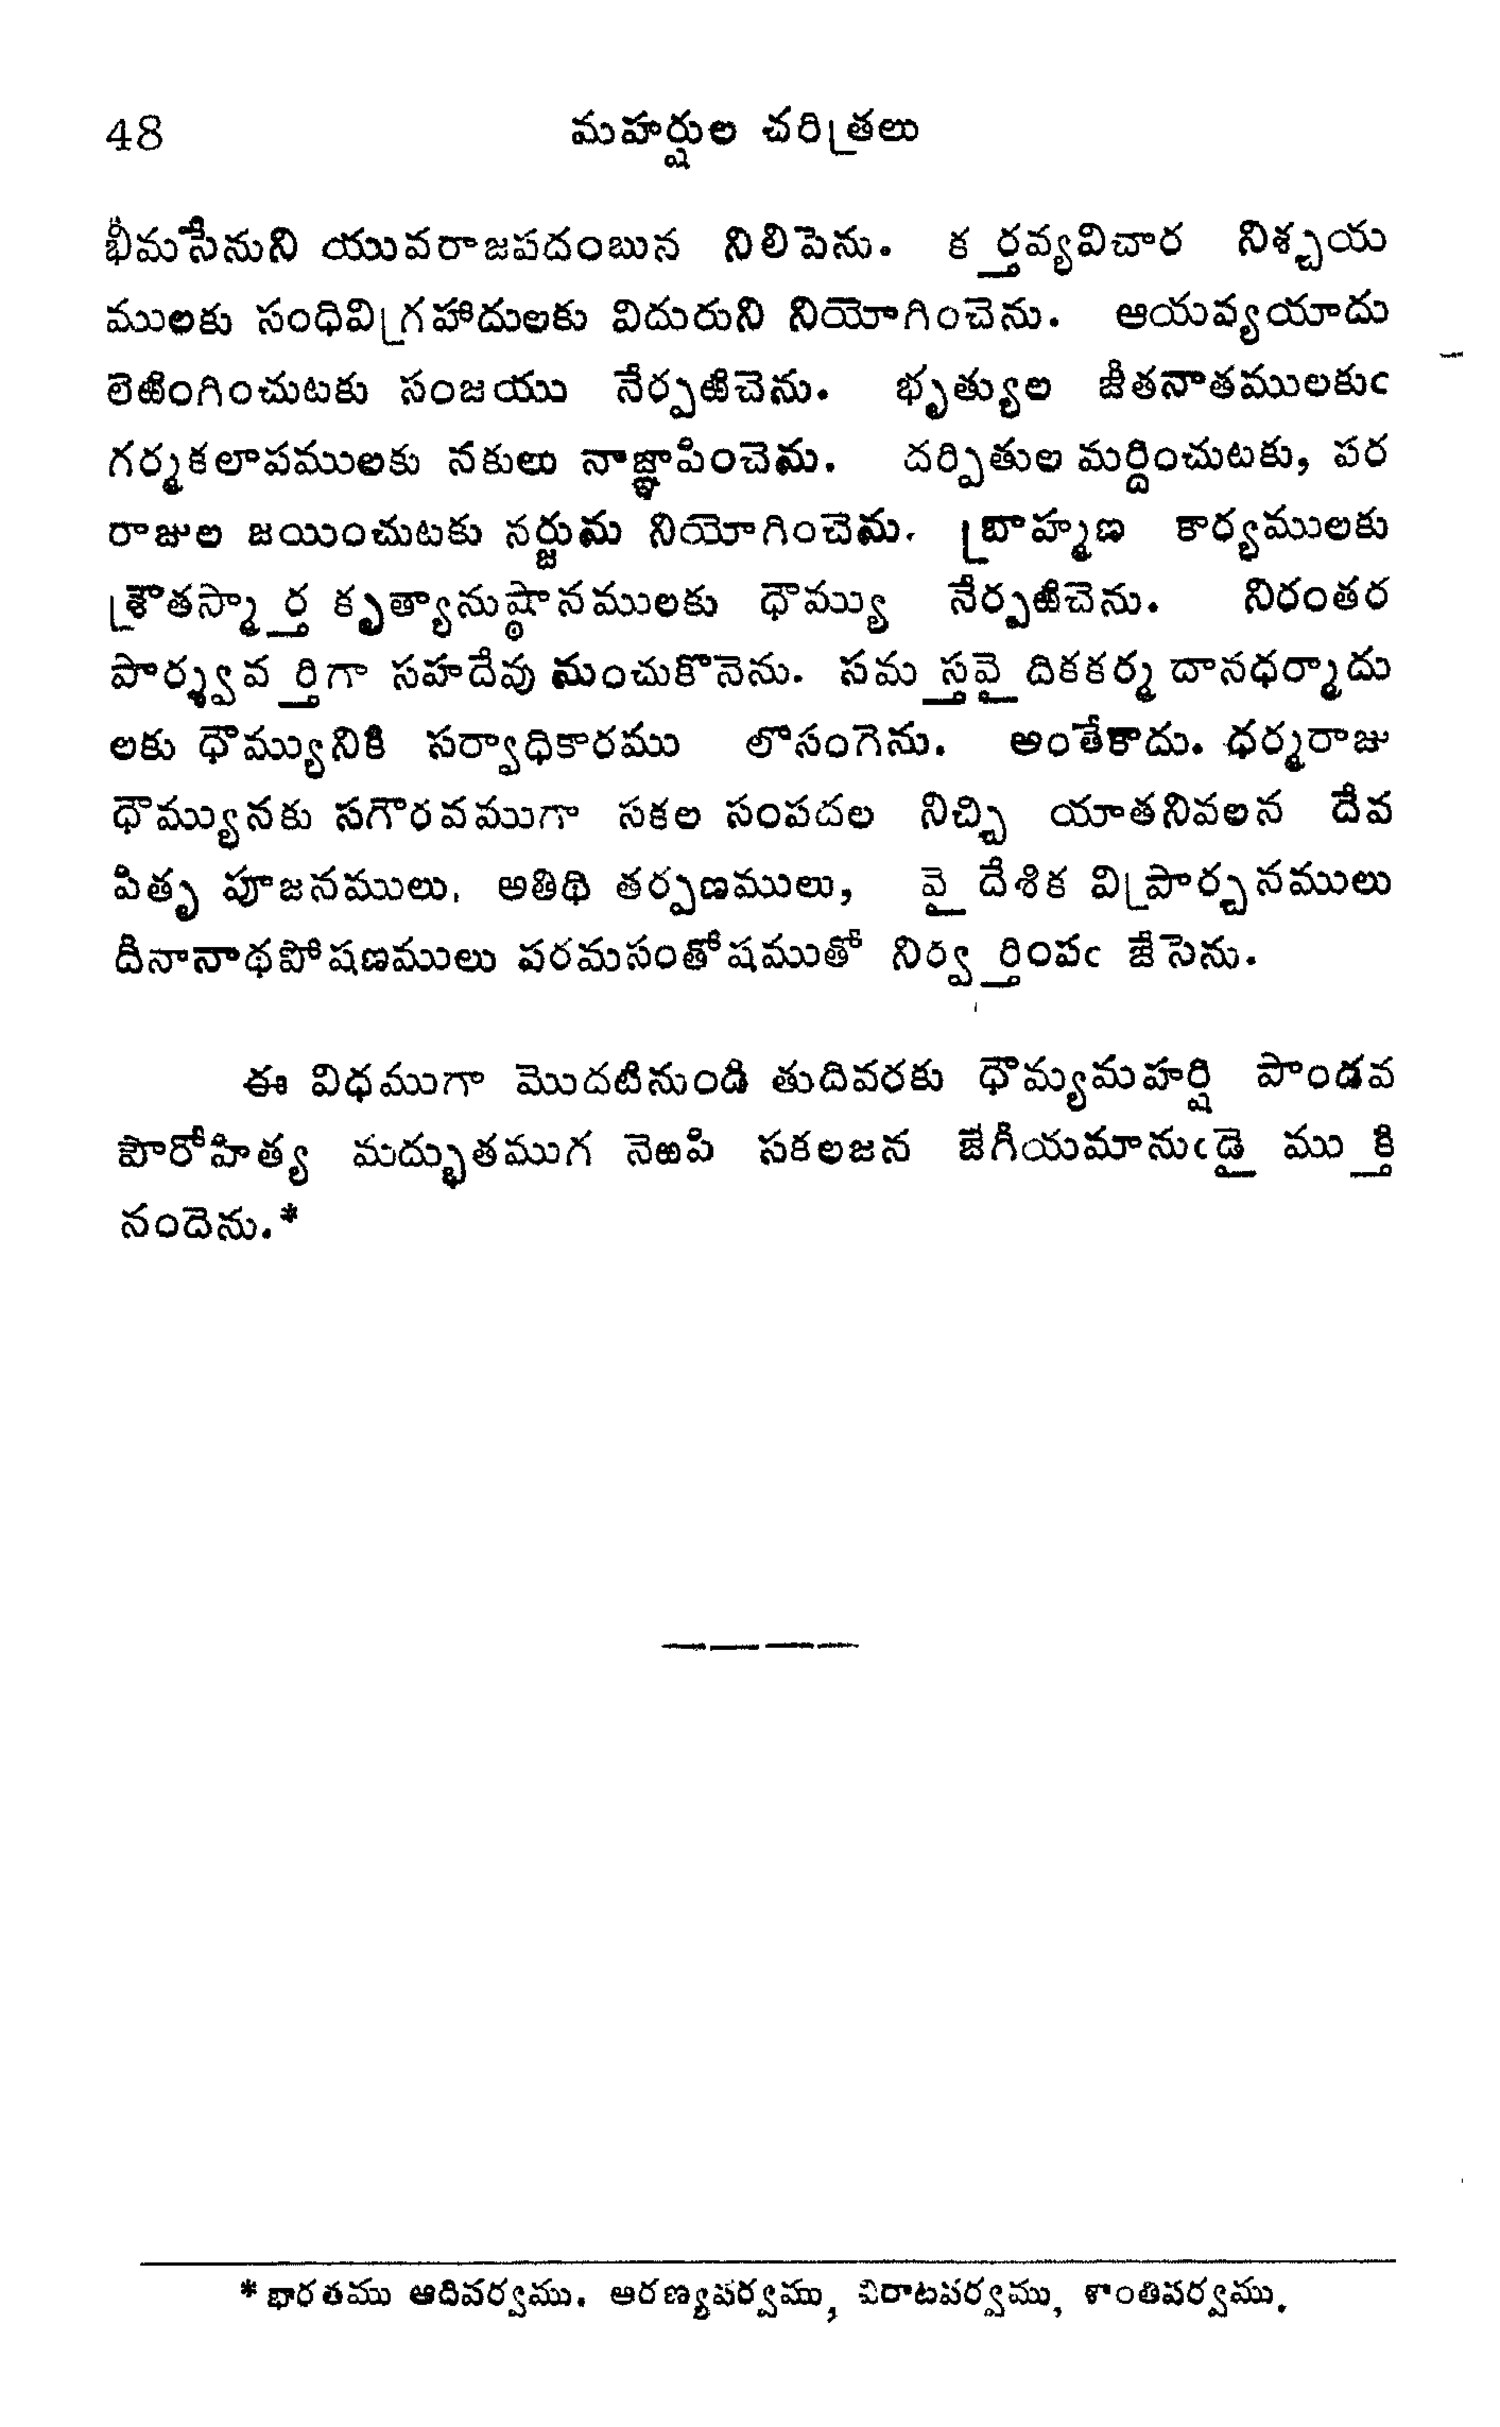భీమసేనుని యువరాజపదంబున నిలిపెను. కర్తవ్యవిచార నిశ్చయములకు సంధివిగ్రహాదులకు విదురుని నియోగించెను. ఆయవ్యయాదు లెఱింగించుటకు సంజయు నేర్పఱిచెను. భృత్యుల జితనాతములకుఁ గర్మకలాపములకు నకులు నాజ్ఞాపించెను. దర్పితుల మర్దించుటకు, పరరాజుల జయించుటకు నర్జును నియోగించెను. బ్రాహ్మణ కార్యములకు
శ్రౌతస్మార్త కృత్యానుష్ఠానములకు ధౌమ్యు నేర్పఱిచెను. నిరంతర పార్శ్వవ ర్తిగా సహదేవు నుంచుకొనెను. సమస్తవైదికకర్మ దానధర్మాదులకు ధౌమ్యునికి సర్వాధికారము లొసంగెను. అంతేకాదు. ధర్మరాజు ధౌమ్యునకు సగౌరవముగా సకల సంపదల నిచ్చి యాతనివలన దేవ పితృ పూజనములు, అతిథి తర్పణములు, వై దేశిక విప్రార్చనములు దీనానాథపోషణములు పరమసంతోషముతో నిర్వర్తింపఁ జేసెను.

ఈ విధముగా మొదటినుండి తుదివరకు ధౌమ్యమహర్షి పాండవ పౌరోహిత్య మద్భుతముగ నెఱపి సకలజన జేగీయమానుఁడై ముక్తి నందెను.*